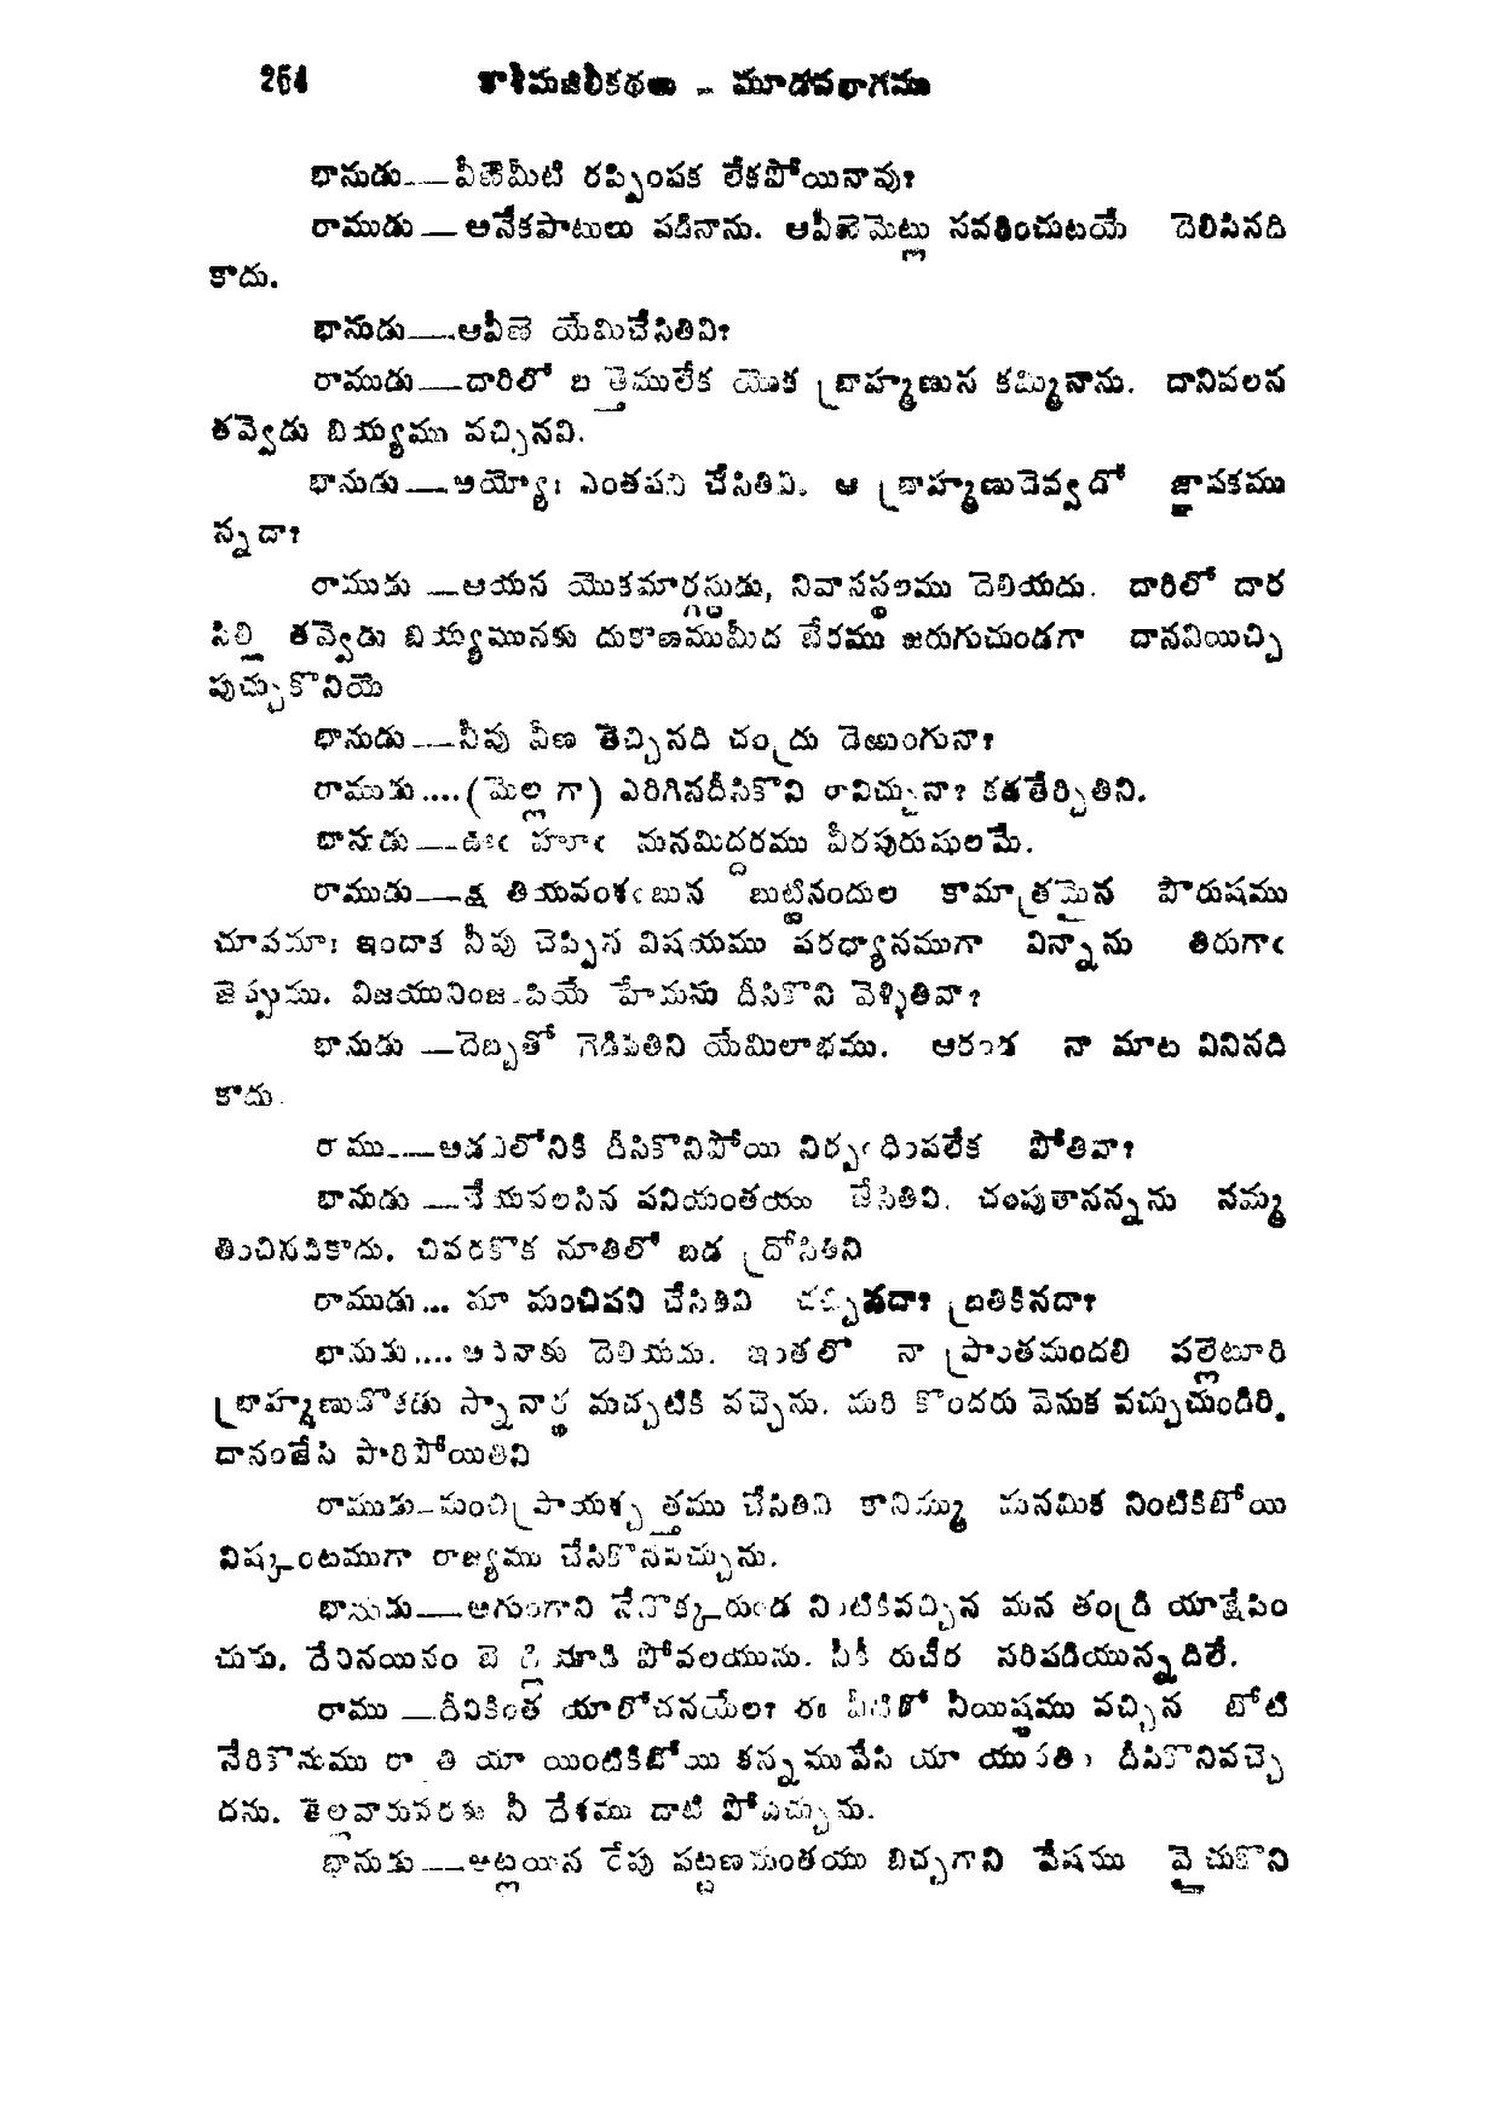భానుడు - వీణెమీటి రప్పింపక లేకపోయినావు?

రాముడు - అనేకపాటులు పడినాను. ఆవీణెమెట్లు సవరించుటయే దెలిసినది కాదు.

భానుడు - అవీణె యేమిచేసితివి?

రాముడు - దారిలో బత్తెములేక యొక బ్రాహ్మణున కమ్మినాను. దానివలన తవ్వెడు బియ్యము వచ్చినవి.

భానుడు - అయ్యో! ఎంతపని చేసితివి. ఆ బ్రాహ్మణుడెవ్వడో జ్ఞాపకమున్నదా?

రాముడు - ఆయన యొకమార్గస్థుడు, నివాసస్థలము దెలియదు. దారిలో దారసిల్లి తవ్వెడు బియ్యమునకు దుకాణముమీద బేరము జరుగుచుండగా దాననియిచ్చి పుచ్చుకొనియె

భానుడు - నీవు వీణ తెచ్చినది చంద్రు డెఱుంగునా ?

రాముడు - ( మెల్లగా) ఎరిగినదీసికొని రానిచ్చునా? కడతేర్చితిని.

బానుడు - ఊఁ హూఁ మనమిద్దరము వీరపురుషులమే.

రాముడు -- క్షత్రియవంశంబున బుట్టినందుల కామాత్రమైన పౌరుషము చూపమా? ఇందాక నీవు చెప్పిన విషయము పరధ్యానముగా విన్నాను తిరుగాఁ జెప్పుము. విజయుని జంపియే హేమను దీసికొని వెళ్ళితివా ?

భానుడు - దెబ్బతో గెడిపతిని యేమిలాభము. ఆరండ నా మాట వినినది కాదు.

రాము - అడవిలోనికి తీసికొనిపోయి నిర్బంధింపలేక పోతివా?

భానుడు - చేయవలసిన పనియంతయు జేసితిని. చంపుతానన్నను సమ్మతించినదికాదు. చివర కొకనూతిలో బడద్రోసితిని

రాముడు - మా మంచిపని చేసితివి చచ్చినదా? బ్రతికినదా?

భానుడు - అదినాకు దెలియదు. ఇంతలో నా ప్రాంతమందలి పల్లెటూరి బ్రాహ్మణుడొకడు స్నానార్థ మచ్చటికి వచ్చెను. మరి కొందరు వెనుక వచ్చుచుండిరి. దానంజేసి పారిపోయితిని

రాముడు - మంచి ప్రాయశ్చిత్తము చేసితివి. కానిమ్ము మనమిక నింటికిబోయి నిష్కంటముగా రాజ్యము చేసికొనవచ్చును.

భానుడు - అగుంగాని నేనొక్కరుండ నింటికివచ్చిన మన తండ్రి యాక్షేపించును. దేనినయినం బెండ్లియాడి పోవలయును. నీకీ రుచిర సరిపడియున్నదిలే.

రాము - దీనికింత యాలోచనయేల? ఈ వీటిలో నీయిష్టము వచ్చిన బోటి నేరికొనుము రాత్రి యా యింటికిబోయి కన్నమువేసి యా యువతిం దీసికొనివచ్చెదను. తెల్లవారువరకు నీ దేశము దాటి పోవచ్చును.

భానుడు -- అట్లయిన రేపు పట్టణమంతయు బిచ్చగాని వేషము వైచుకొని